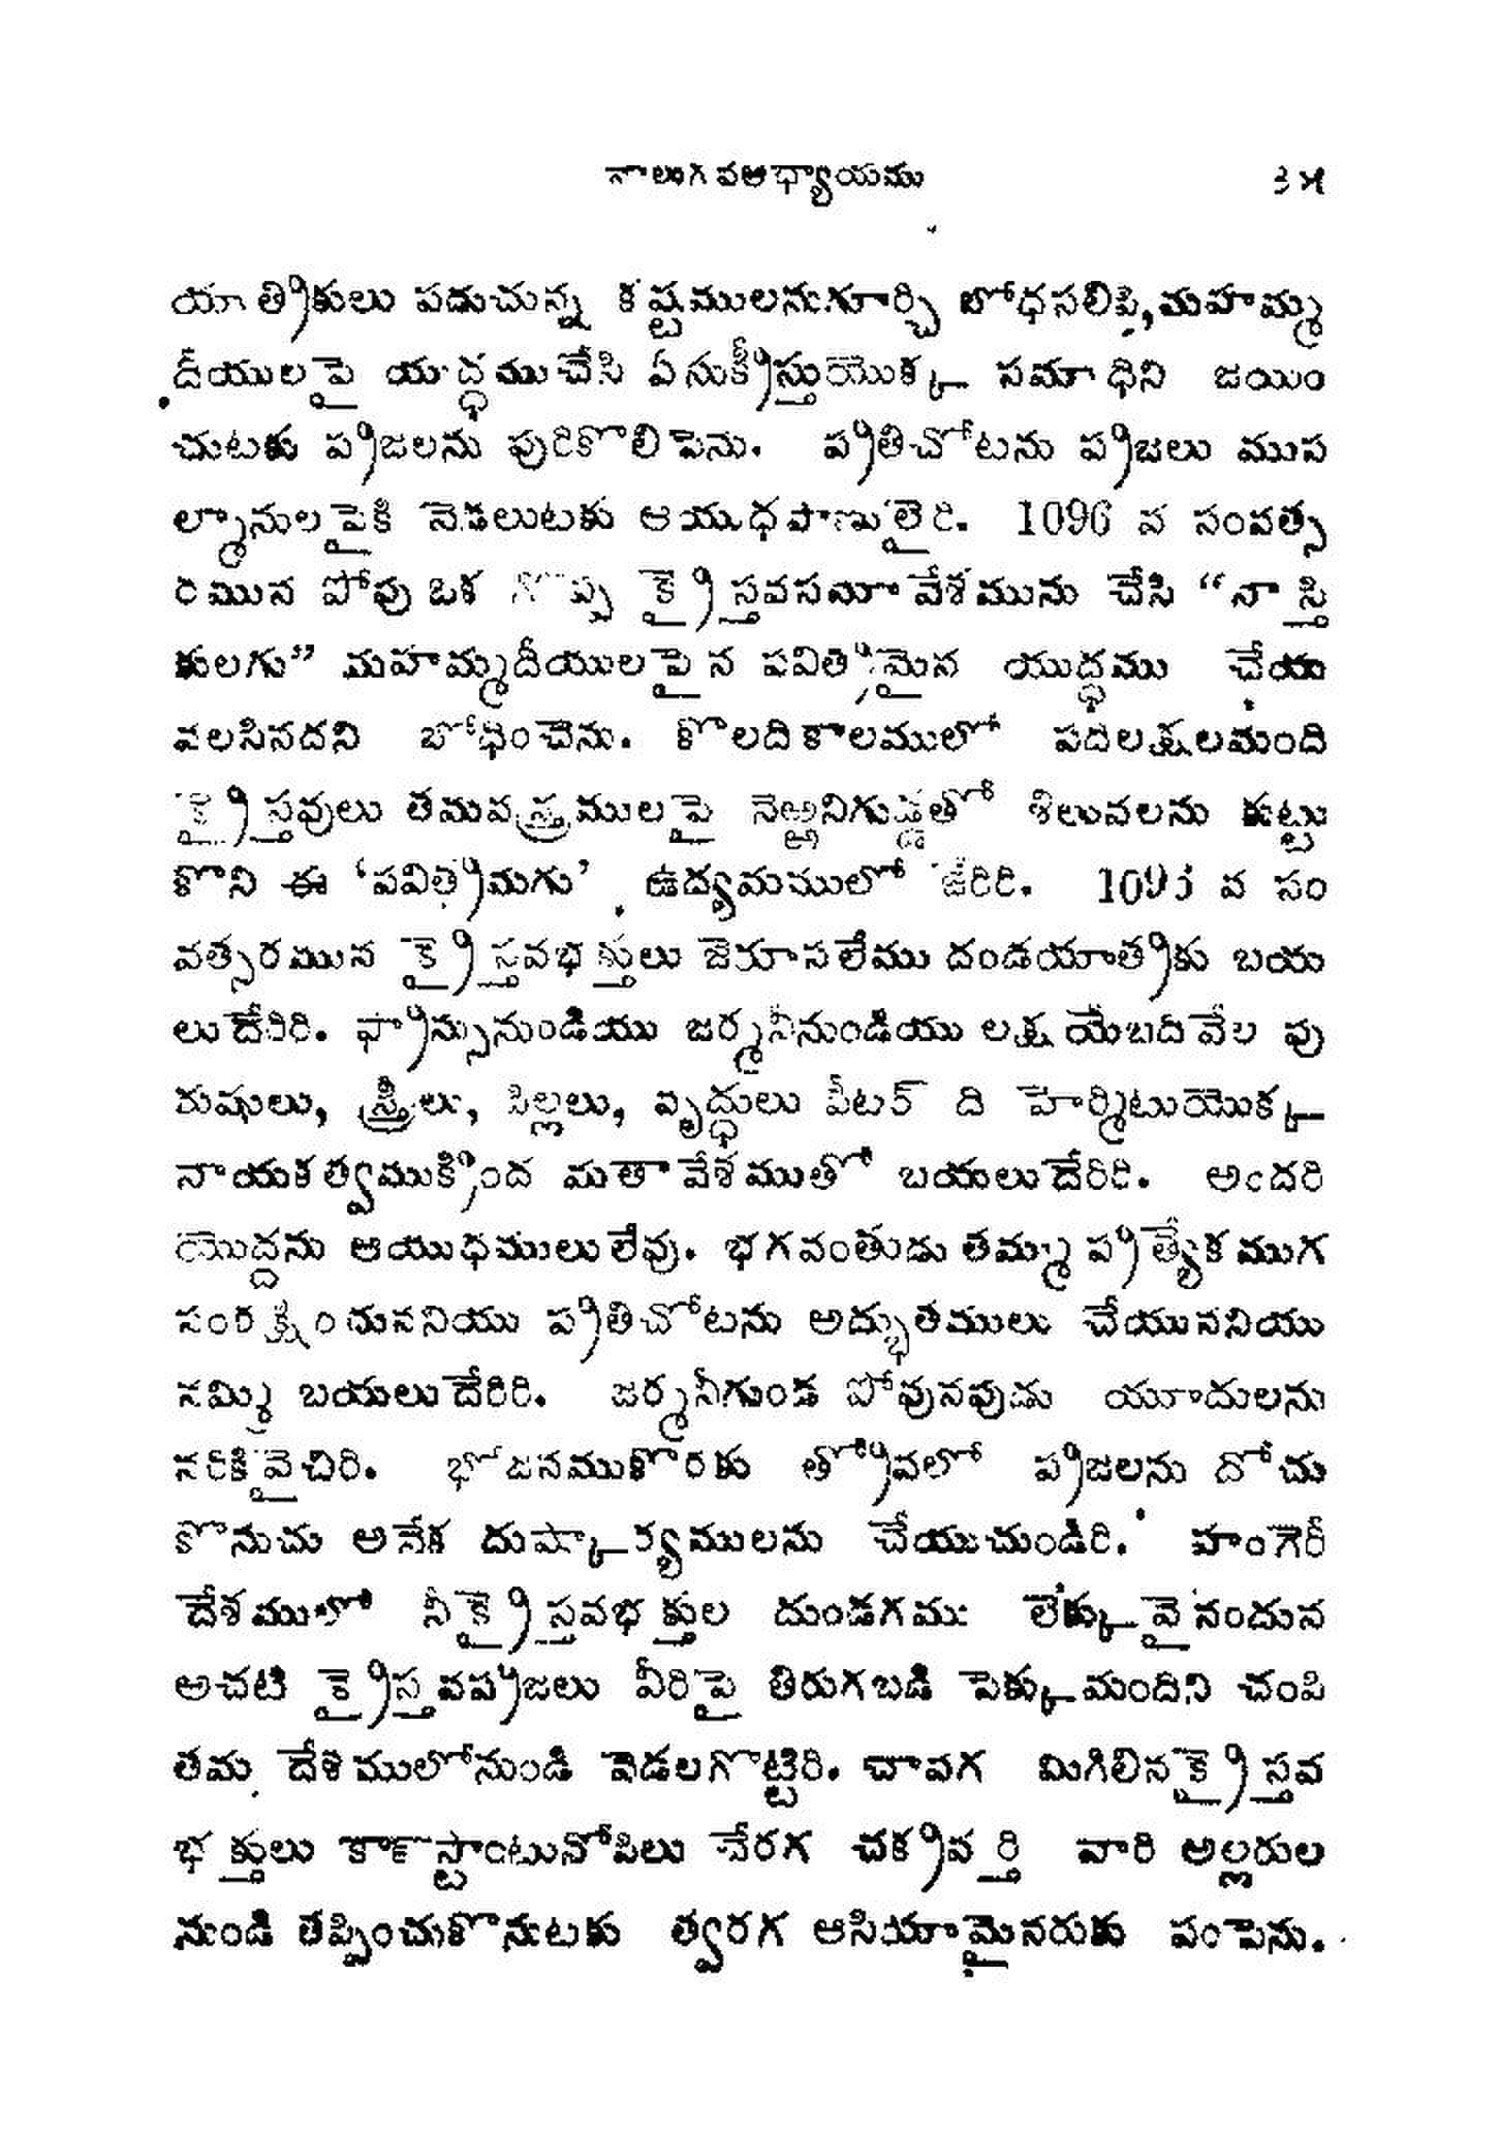యాత్రికులు పడుచున్న కష్టములను గూర్చి బోధ సలిపి, మహమ్మ
దీయుల పై యుద్ధము చేసి ఏసుక్రీస్తు యొక్క సమాధిని జయిం
చుటకు ప్రజలను పురికొలిపెను. ప్రతిచోటను ప్రజలు ముస
ల్మానుల పైకి నెడలుటకు ఆయుధపాణులైరి. 1096 వ సంవత్స
రమున పోవు ఒక గొప్ప క్రైస్తవసమా వేశమును చేసి "నాస్తికులగు "
మహమ్మదీయుల పై న పవిత్రమైన యుద్ధము చేయ
ఫలసినదని బోధించెను. కొలది కాలములో పదిలక్షలమంది
క్రైస్తవులు తమ వస్త్రముల పై నెఱ్ఱనిగుడ్డతో శిలువలను కుట్టు
కొని ఈ 'పవిత్రమగు' ఉద్యమములో 'జేరిరి. 1096 వ సం
వత్సరమున క్రైస్తవ భక్తులు జెరూసలేము దండయాత
తకు బయలు దేరిరి. హౌస్సునుండియు జర్మనీ నుండియు లక్ష యేబది వేల పు
రుషులు, స్త్రీలు, పిల్లలు, వృద్ధులు పీటర్ ది హెర్మిటు యొక్క
నాయకత్వము కింద మతావేశముతో బయలు దేరిరి. అందరి
యొద్దను ఆయుధములు లేవు. భగవంతుడు తమ్మ ప్రత్యేక ముగ
సంరక్షించుననియు ప్రతిచోటను అద్భుతములు చేయుననియు
సమ్మి బయలు దేరిరి. జర్మనీ గుండ పోవునప్పుడు యూదులను
నరికి వైచిరి. భోజనము కొరకు తోవలో ప్రజలను దోచు
కొనుచు అనేక దుష్కార్యములను చేయుచుండిరి.' హంగెరీ
దేశములో నీక్రైస్తవభక్తుల దుండగము లెక్కువై నందున
అచటి క్రైస్త వ ప్రజలు వీరి పై తిరుగబడి పెక్కు మందిని చంపి
తమ దేశములో నుండి వెడలగొట్టిరి. చాపగ మిగిలిన క్రైస్తవ
భక్తులు కాన్ స్టాంటు నోపిలు చేరగ చక్రవర్తి వారి అల్లరుల 
నుండి తప్పించుకొనుటకు త్వరగ ఆసియా మైనరుకు పంపెను.